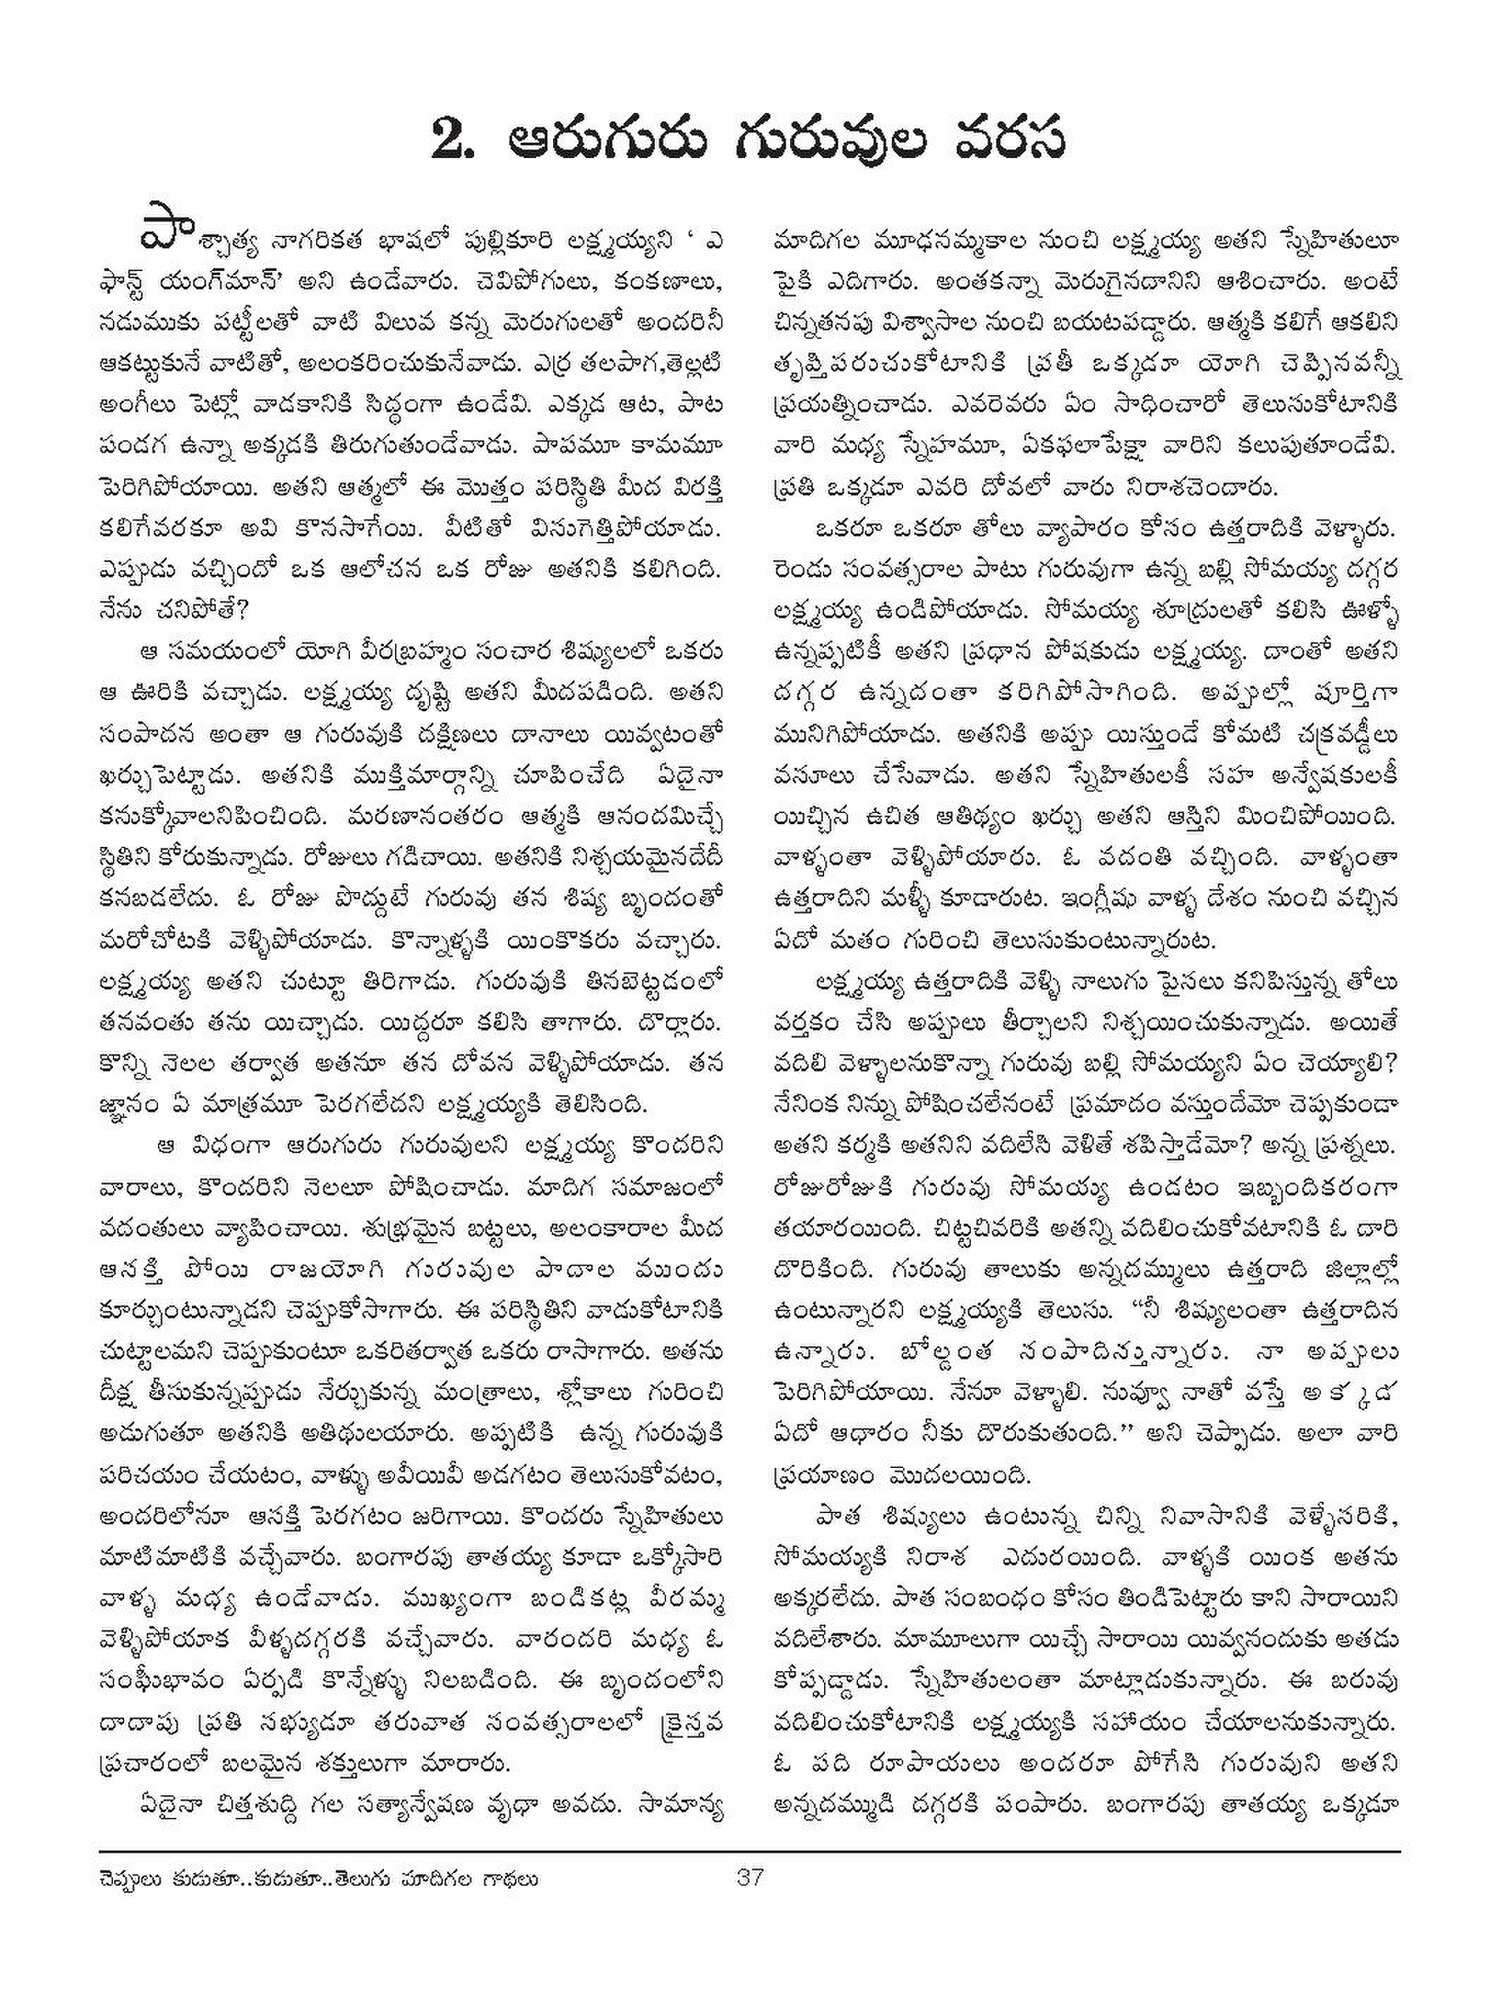2. ఆరుగురు గురువుల వరస

శ్చాత్య నాగరికత భాషలో పుల్లికూరి లక్ష్మయ్యని ' ఎ
ఫాస్ట్ యంగ్మాన్' అని ఉండేవారు. చెవిపోగులు, కంకణాలు,
నడుముకు పట్టీలతో వాటి విలువ కన్న మెరుగులతో అందరినీ
ఆకట్టుకునే వాటితో, అలంకరించుకునేవాడు. ఎర్ర తలపాగ, తెల్లటి
అంగీలు పెట్లో వాడకానికి సిద్ధంగా ఉండేవి. ఎక్కడ ఆట, పాట
పండగ ఉన్నా అక్కడకి తిరుగుతుండేవాడు. పాపమూ కామమూ
పెరిగిపోయాయి. అతని ఆత్మలో ఈ మొత్తం పరిస్థితి మీద విరక్తి
కలిగేవరకూ అవి కొనసాగేయి. వీటితో విసుగెత్తిపోయాడు.
ఎప్పుడు వచ్చిందో ఒక ఆలోచన ఒక రోజు అతనికి కలిగింది.
నేను చనిపోతే?

ఆ సమయంలో యోగి వీరబ్రహ్మం సంచార శిష్యులలో ఒకరు
ఆ ఊరికి వచ్చాడు. లక్ష్మయ్య దృష్టి అతని మీదపడింది. అతని
సంపాదన అంతా ఆ గురువుకి దక్షిణలు దానాలు యివ్వటంతో
ఖర్చుపెట్టాడు. అతనికి ముక్తిమార్గాన్ని చూపించేది ఏదైనా
కనుక్కోవాలనిపించింది. మరణానంతరం ఆత్మకి ఆనందమిచ్చే
స్థితిని కోరుకున్నాడు. రోజులు గడిచాయి. అతనికి నిశ్చయమైనదేదీ
కనబడలేదు. ఓ రోజు పొద్దుటే గురువు తన శిష్య బృందంతో
మరోచోటకి వెళ్ళిపోయాడు. కొన్నాళ్ళకి యింకొకరు వచ్చారు.
లక్ష్మయ్య అతని చుట్టూ తిరిగాడు. గురువుకి తినబెట్టడంలో
తనవంతు తను యిచ్చాడు. యిద్దరూ కలిసి తాగారు. దొర్లారు.
కొన్ని నెలల తర్వాత అతనూ తన దోవన వెళ్ళిపోయాడు. తన
జ్ఞానం ఏ మాత్రమూ పెరగలేదని లక్ష్మయ్యకి తెలిసింది.

ఆ విధంగా ఆరుగురు గురువులని లక్ష్మయ్య కొందరిని
వారాలు, కొందరిని నెలలూ పోషించాడు. మాదిగ సమాజంలో
వదంతులు వ్యాపించాయి. శుభ్రమైన బట్టలు, అలంకారాల మీద
ఆసక్తి పోయి రాజయోగి గురువుల పాదాల ముందు
కూర్చుంటున్నాడని చెప్పుకోసాగారు. ఈ పరిస్థితిని వాడుకోటానికి
చుట్టాలమని చెప్పుకుంటూ ఒకరితర్వాత ఒకరు రాసాగారు. అతను
దీక్ష తీసుకున్నప్పుడు నేర్చుకున్న మంత్రాలు, శ్లోకాలు గురించి
అడుగుతూ అతనికి అతిథులయారు. అప్పటికి ఉన్న గురువుకి
పరిచయం చేయటం, వాళ్ళు అవీయివీ అడగటం తెలుసుకోవటం,
అందరిలోనూ ఆసక్తి పెరగటం జరిగాయి. కొందరు స్నేహితులు
మాటిమాటికి వచ్చేవారు. బంగారపు తాతయ్య కూడా ఒక్కోసారి
వాళ్ళ మధ్య ఉండేవాడు. ముఖ్యంగా బండికట్ల వీరమ్మ
వెళ్ళిపోయాక వీళ్ళదగ్గరకి వచ్చేవారు. వారందరి మధ్య ఓ
సంఘీభావం ఏర్పడి కొన్నేళ్ళు నిలబడింది. ఈ బృందంలోని
దాదాపు ప్రతి సభ్యుడూ తరువాత సంవత్సరాలలో క్రైస్తవ
ప్రచారంలో బలమైన శక్తులుగా మారారు.

ఏదైనా చిత్తశుద్ది గల సత్యాన్వేషణ వృధా అవదు. సామాన్య
మాదిగల మూఢనమ్మకాల నుంచి లక్ష్మయ్య అతని స్నేహితులూ
పైకి ఎదిగారు. అంతకన్నా మెరుగైనదానిని ఆశించారు. అంటే
చిన్నతనపు విశ్వాసాల నుంచి బయటపడ్డారు. ఆత్మకి కలిగే ఆకలిని
తృప్తిపరుచుకోటానికి ప్రతీ ఒక్కడూ యోగి చెప్పినవన్నీ
ప్రయత్నించాడు. ఎవరెవరు ఏం సాధించారో తెలుసుకోటానికి
వారి మధ్య స్నేహమూ, ఏకఫలాపేక్షా వారిని కలుపుతూండేవి.
ప్రతి ఒక్కడూ ఎవరి దోవలో వారు నిరాశచెందారు.

ఒకరూ ఒకరూ తోలు వ్యాపారం కోసం ఉత్తరాదికి వెళ్ళారు.
రెండు సంవత్సరాల పాటు గురువుగా ఉన్న బల్లి సోమయ్య దగ్గర
లక్ష్మయ్య ఉండిపోయాడు. సోమయ్య శూద్రులతో కలిసి ఊళ్ళో
ఉన్నప్పటికీ అతని ప్రధాన పోషకుడు లక్ష్మయ్య. దాంతో అతని
దగ్గర ఉన్నదంతా కరిగిపోసాగింది. అప్పుల్లో పూర్తిగా
మునిగిపోయాడు. అతనికి అప్పు యిస్తుండే కోమటి చక్రవడ్డీలు
వసూలు చేసేవాడు. అతని స్నేహితులకీ సహ అన్వేషకులకీ
యిచ్చిన ఉచిత ఆతిథ్యం ఖర్చు అతని ఆస్తిని మించిపోయింది.
వాళ్ళంతా వెళ్ళిపోయారు. ఓ వదంతి వచ్చింది. వాళ్ళంతా
ఉత్తరాదిని మళ్ళీ కూడారుట. ఇంగ్లీషు వాళ్ళ దేశం నుంచి వచ్చిన
ఏదో మతం గురించి తెలుసుకుంటున్నారుట.

లక్ష్మయ్య ఉత్తరాదికి వెళ్ళి నాలుగు పైసలు కనిపిస్తున్న తోలు
వర్తకం చేసి అప్పులు తీర్చాలని నిశ్చయించుకున్నాడు. అయితే
వదిలి వెళ్ళాలనుకొన్నా గురువు బల్లి సోమయ్యని ఏం చెయ్యాలి?
నేనింక నిన్ను పోషించలేనంటే ప్రమాదం వస్తుందేమో చెప్పకుండా
అతని కర్మకి అతనిని వదిలేసి వెళితే శపిస్తాడేమో? అన్న ప్రశ్నలు.
రోజురోజుకి గురువు సోమయ్య ఉండటం ఇబ్బందికరంగా
తయారయింది. చిట్టచివరికి అతన్ని వదిలించుకోవటానికి ఓ దారి
దొరికింది. గురువు తాలుకు అన్నదమ్ములు ఉత్తరాది జిల్లాల్లో
ఉంటున్నారని లక్ష్మయ్యకి తెలుసు. "నీ శిష్యులంతా ఉత్తరాదిన
ఉన్నారు. బోల్డంత సంపాదిస్తున్నారు. నా అప్పులు
పెరిగిపోయాయి. నేనూ వెళ్ళాలి. నువ్వూ నాతో వస్తే అక్కడ
ఏదో ఆధారం నీకు దొరుకుతుంది." అని చెప్పాడు. అలా వారి
ప్రయాణం మొదలయింది.

పాత శిష్యులు ఉంటున్న చిన్ని నివాసానికి వెళ్ళేసరికి,
సోమయ్యకి నిరాశ ఎదురయింది. వాళ్ళకి యింక అతను
అక్కరలేదు. పాత సంబంధం కోసం తిండిపెట్టారు కాని సారాయిని
వదిలేశారు. మామూలుగా యిచ్చే సారాయి యివ్వనందుకు అతడు
కోప్పడ్డాడు. స్నేహితులంతా మాట్లాడుకున్నారు. ఈ బరువు
వదిలించుకోటానికి లక్ష్మయ్యకి సహాయం చేయాలనుకున్నారు.
ఓ పది రూపాయలు అందరూ పోగేసి గురువుని అతని
అన్నదమ్ముడి దగ్గరకి పంపారు. బంగారపు తాతయ్య ఒక్కడూ